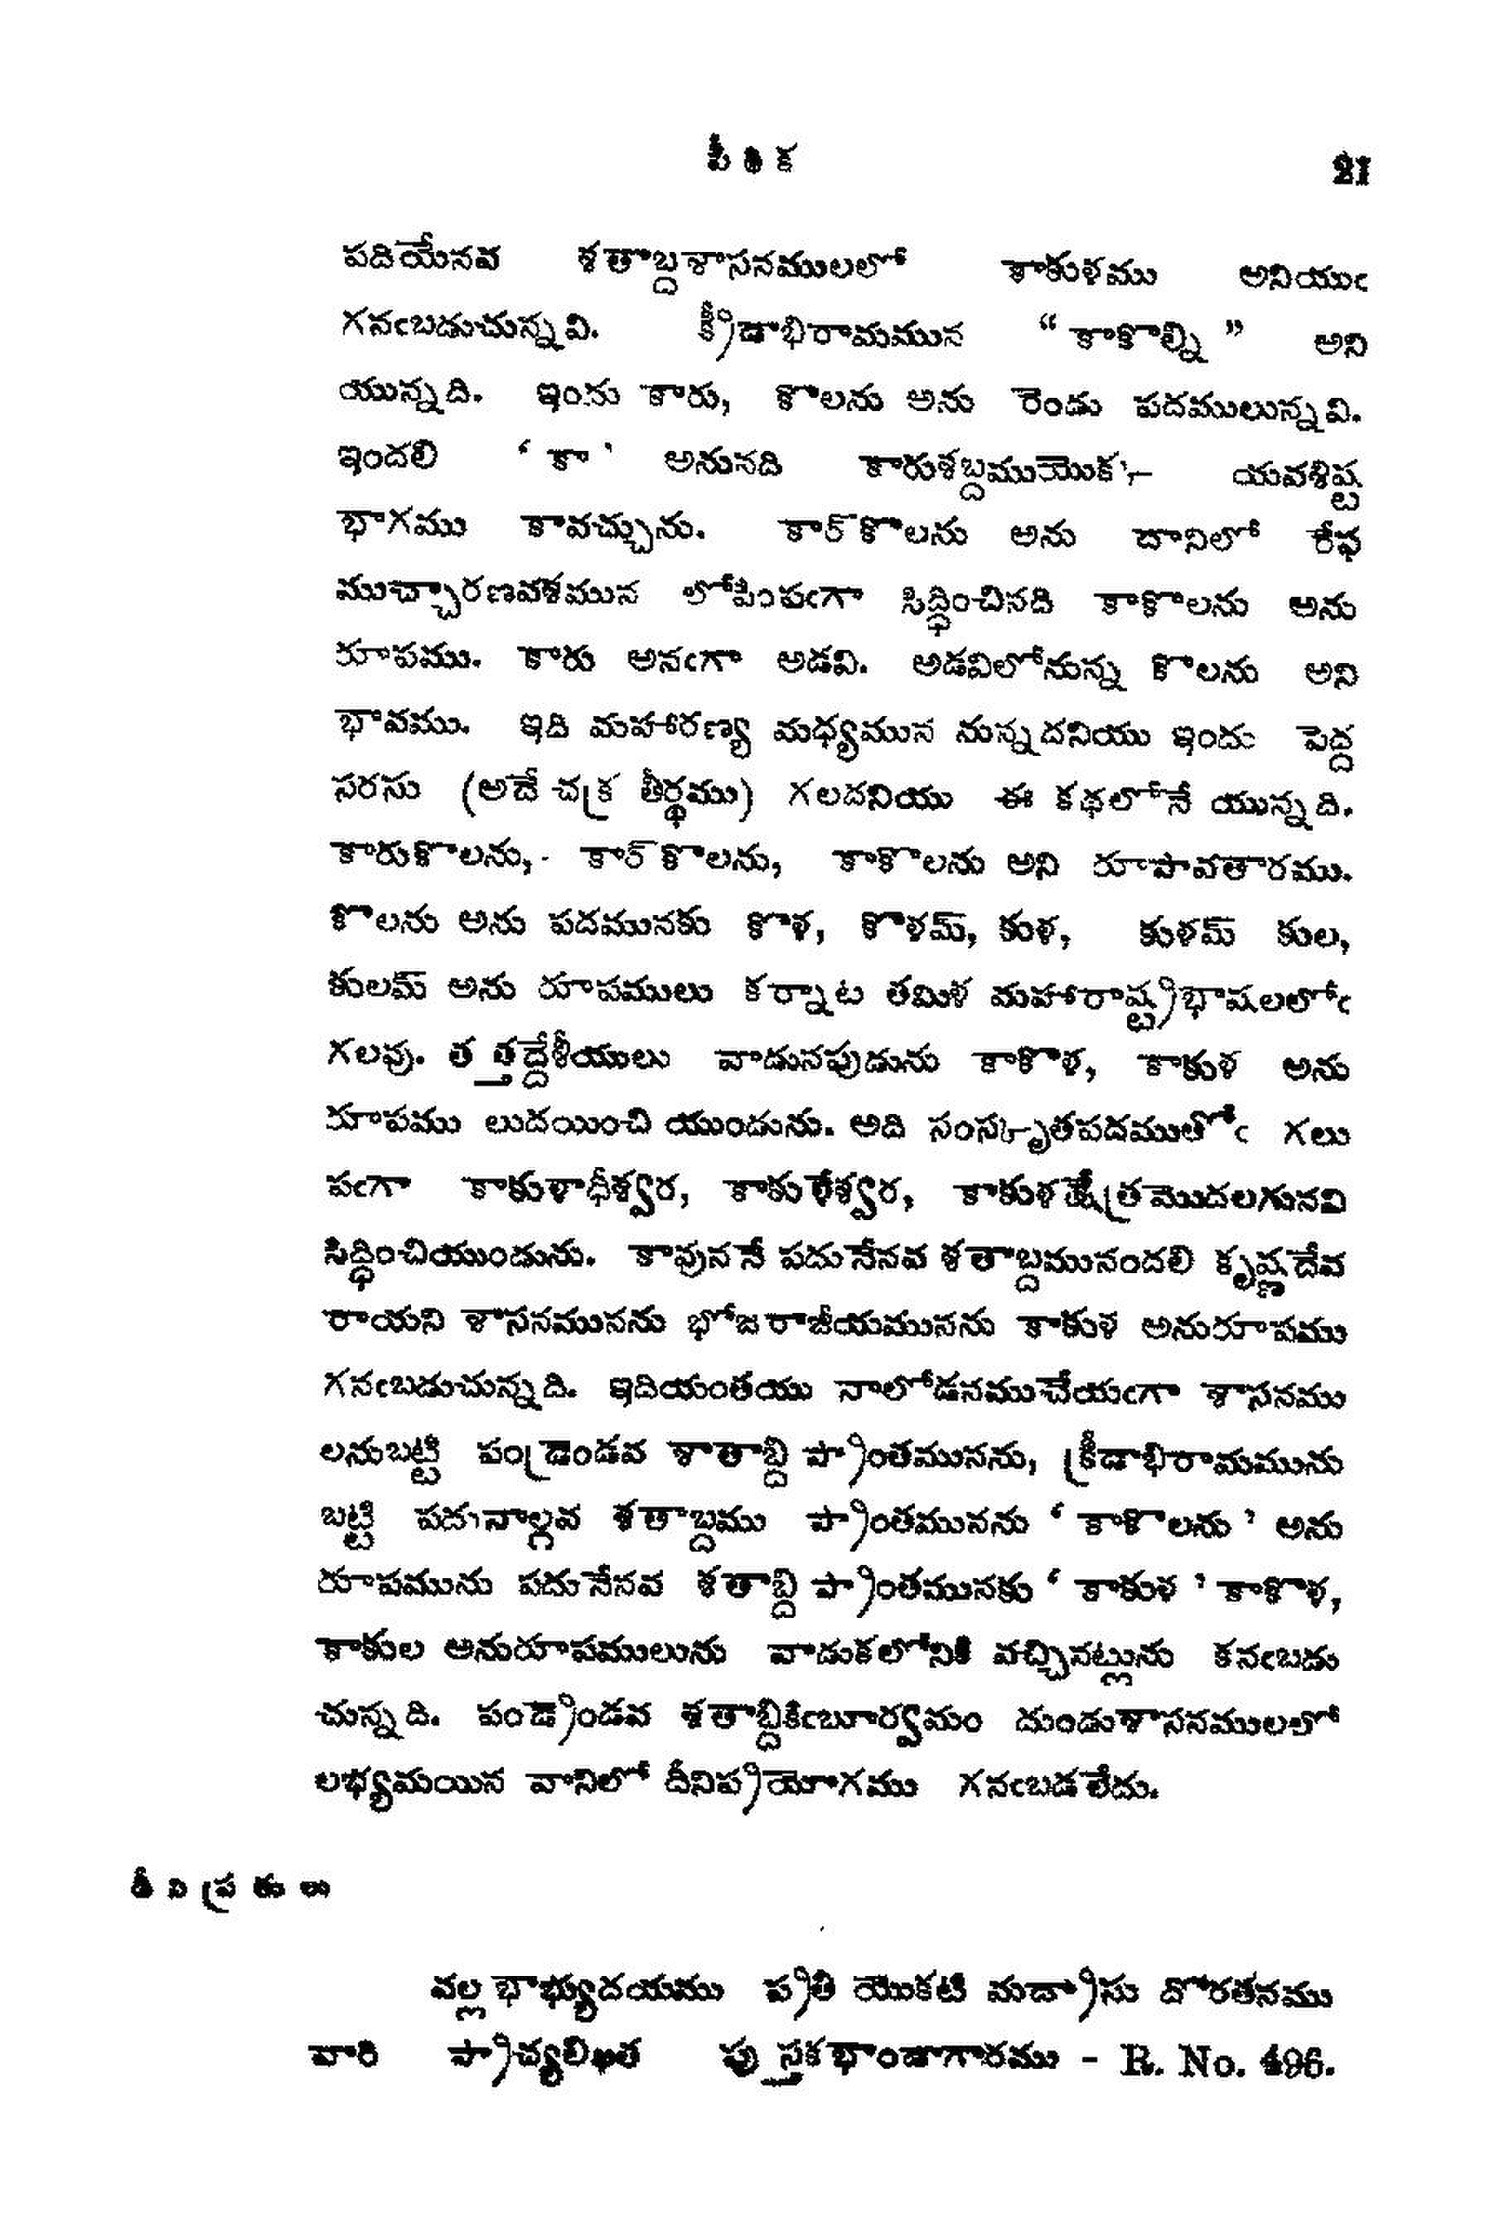పదియేనవ శతాబ్దశాసనములలొ కాకుళము అనియుఁ గనఁబడుచున్నవి. క్రీడాభిరామమున “కాకొల్ని ” అని యున్నది. ఇందు కారు, కొలను అను రెండు పదములున్నవి. ఇందలి 'కా ' అనునది కారుశబ్దముయొక్క యవశిష్ట భాగము కావచ్చును. కార్ కొలను అను దానిలో రేఫ ముచ్ఛారణవశమున లోపింపఁగా సిద్ధించినది కాకొలను అను రూపము. కారు అనఁగా అడవి. అడవిలోనున్న కొలను అని భావము. ఇది మహారణ్య మధ్యమున నున్నదనియు ఇందు పెద్ద సరసు (అదే చక్ర తీర్థము) గలదనియు ఈ కథలోనే యున్నది. కారుకొలను, కార్ కొలను, కాకొలను అని రూపావతారము. కొలను అను పదమునకు కొళ, కొళమ్, కుళ, కుళమ్ కుల, కులమ్ అను రూపములు కర్నాట తమిళ మహారాష్ట్ర భాషలలోఁ
గలవు. తత్తద్దేశీయులు వాడునపుడును కాకొళ, కాకుళ అను రూపము లుదయించి యుండును. అది సంస్కృతపదముతోఁ గలుపఁగా కాకుళాధీశ్వర, కాకుళేశ్వర, కాకుళ క్షేత్ర మొదలగునవి సిద్ధించియుండును. కావుననే పదు నేనవ శతాబ్దమునందలి కృష్ణదేవరాయని శాసనమునను భోజరాజీయమునను కాకుళ అనురూపము గనఁబడుచున్నది. ఇది యంతయు నాలోడనము చేయఁగా 'శాసనములనుబట్టి పండ్రెండవ శాతాబ్ది ప్రాంతమునను, క్రీడాభిరామమును బట్టి పదునాల్గవ శతాబ్దము ప్రాంతమునను 'కాకొలను ' అను రూపమును పదునేనవ శతాబ్ది ప్రాంతమునకు 'కాకుళ 'కాకొళ,
కాకుల అనురూపములును వాడుకలోనికి వచ్చినట్లును కనఁబడుచున్నది. పండ్రెండవ శతాబ్దికిఁబూర్వమం దుండు
శాసనములలో లభ్యమయిన వానిలో దీనిప్రయోగము గనఁబడలేదు.

దీని ప్రతులు 

వల్ల భాభ్యుదయము ప్రతి యొకటి మద్రాసు దొరతనము వారి ప్రాచ్యలిఖిత పుస్తక భాండాగారము - B. No. 496.